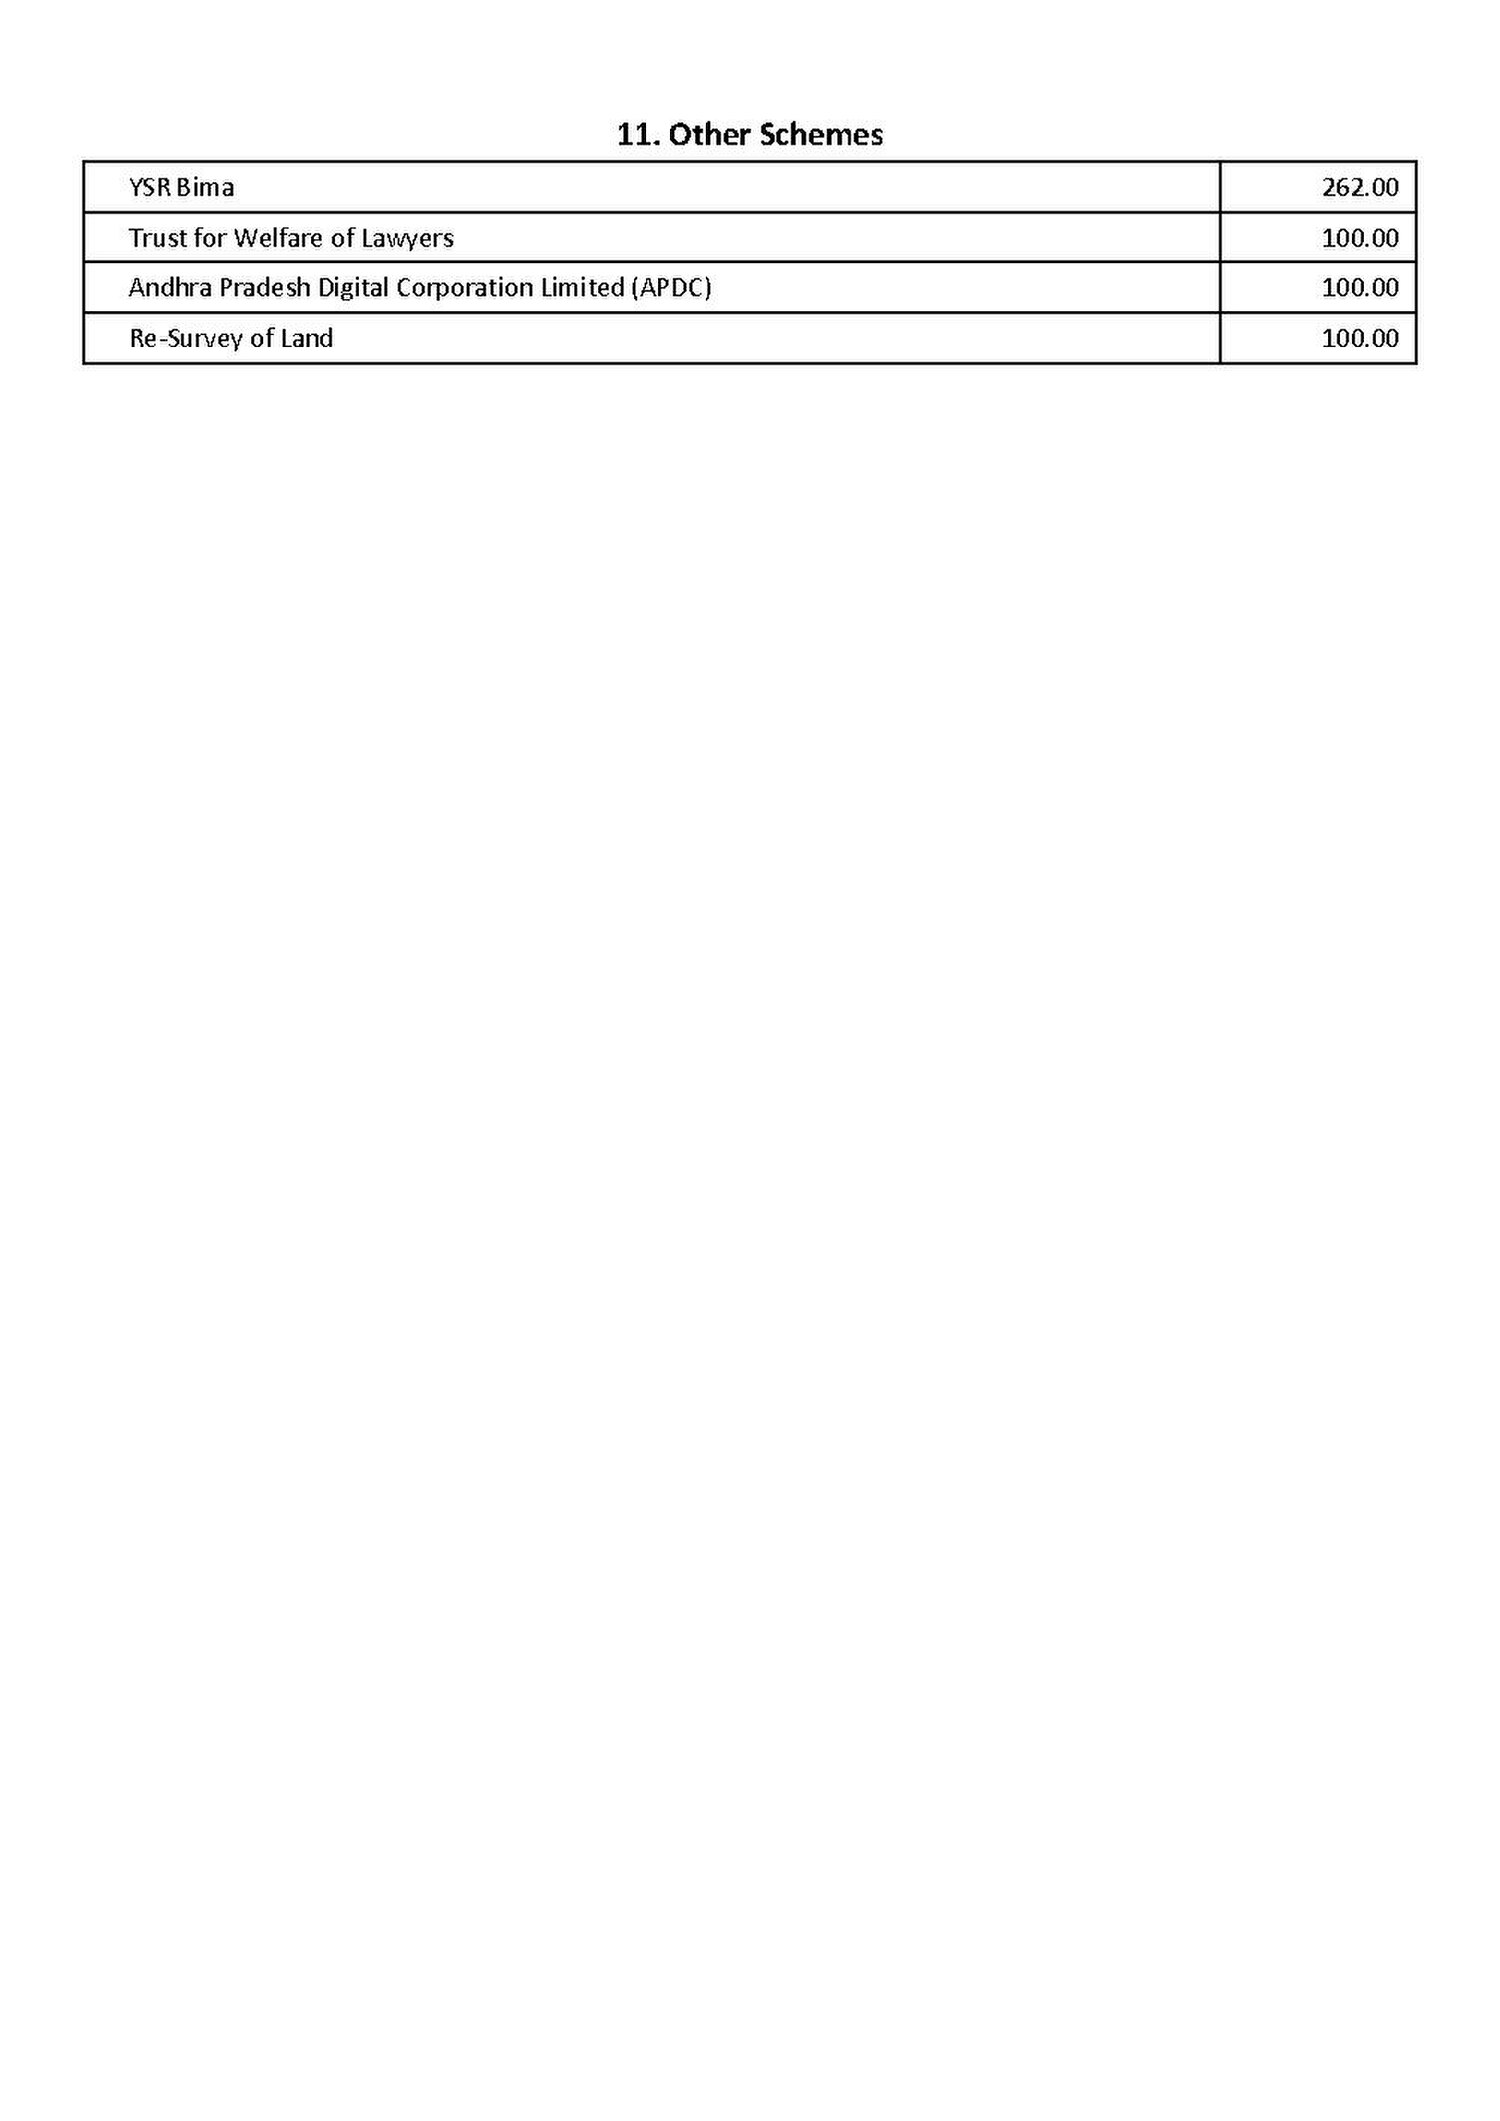11. Other Schemes

 YSR Bima 262 Trust for Welfare of Lawyers 100 Andhra Pradesh Digital Corporation Limited (APDC) 100 Re-Survey of Land 100